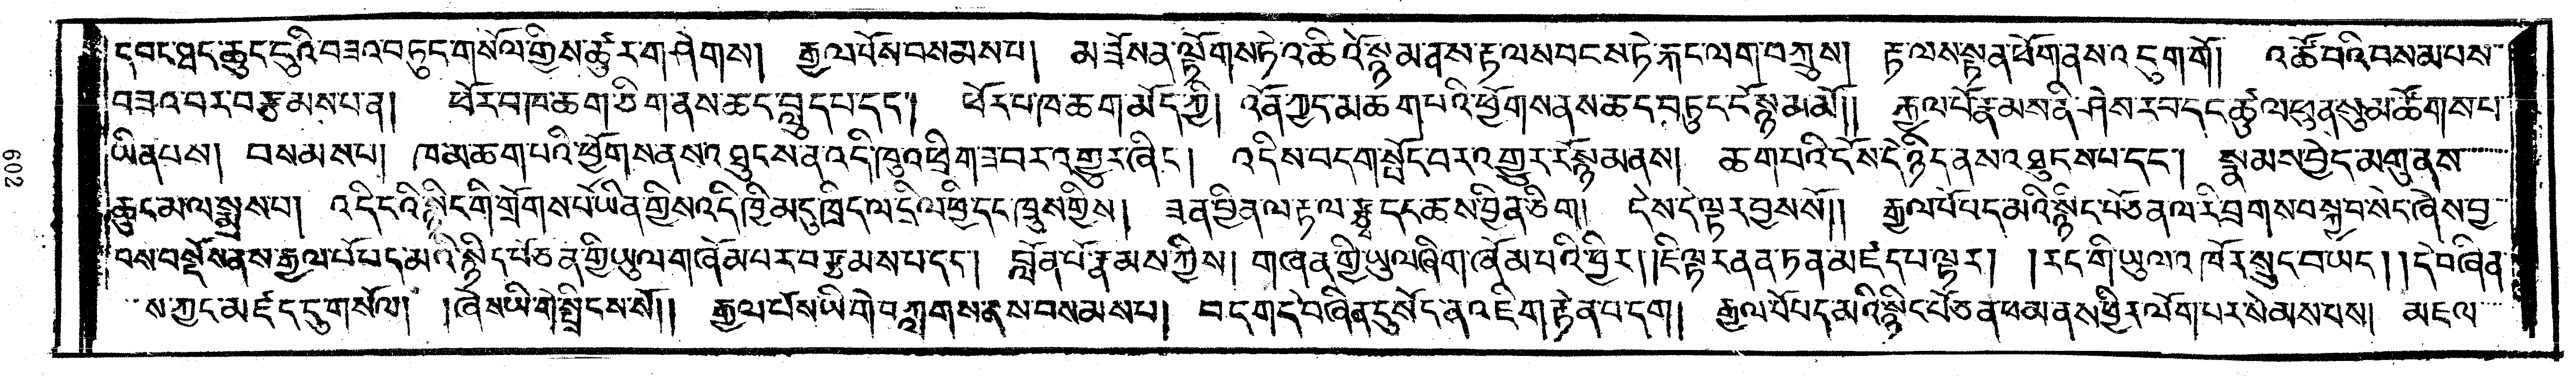དབང་ཐང་ཆུང་ངུའི་བཟའ་བཏུང་གསོལ་གྱིས་ཚུར་གཤེགས། རྒྱལ་པོས་བསམས་པ། མ་ཟོས་ན་ལྟོགས་ཏེ་འཆི་འོ་སྙམ་ནས་རྟ་ལས་བངས་ཏེ་རྐང་ལག་བཀྲུས། རྟ་ལས་སྟན་ཕོག་ནས་འདུག་གོ། འཚོ་བའི་བསམ་པས་
བཟའ་བར་བརྩམས་པ་ན། ཕོར་བ་ཁ་ཆག་ཅིག་ནས་ཆང་བླུད་པ་དང་། ཕོར་པ་ཁ་ཆག་མོད་ཀྱི། འོན་ཀྱང་མཆག་པའི་ཕྱོགས་ནས་ཆང་བཏུང་ངོ་སྙམ་མོ།། རྒྱལ་པོ་རྣམས་ནི་ཤེས་རབ་དང་ཚུལ་ཕུན་སུམ་ཚོགས་པ་
ཡིན་པས། བསམས་པ། ཁ་མ་ཆག་པའི་ཕྱོགས་ནས་འཐུངས་ན་འདི་ཁུ་འཕྲིག་ཟ་བར་འགྱུར་ཞིང་། འདིས་བདག་སྤོང་བར་འགྱུར་རོ་སྙམ་ནས། ཆག་པའི་ངོས་དེ་ཉིད་ནས་འཐུངས་པ་དང་། སྣམས་བྱེད་མགུ་ནས་
ཆུང་མ་ལ་སྨྲས་པ། འདི་ངའི་སྙིང་གི་གྲོགས་པོ་ཡིན་གྱིས་འདི་ཁྱིམ་དུ་ཁྲིད་ལ་དྲིལ་ཕྱི་དང་ཁྲུས་གྱིས། ཟན་བྱིན་ལ་རྟ་ལ་རྩྭ་དང་ཆས་བྱིན་ཅིག། དེས་དེ་ལྟར་བྱས་སོ།། རྒྱལ་པོ་པད་མའི་སྙིང་པོ་ཅན་ལ་རི་བྲགས་བསྐྱ་བ་སེང་ཞེས་བྱ་
བས་བསྡོས་ནས་རྒྱལ་པོ་པད་མའི་སྙིང་པོ་ཅན་གྱི་ཡུལ་གཞོམ་པར་བརྩམས་པ་དང་། བློན་པོ་རྣམས་ཀྱིས། གཞན་གྱི་ཡུལ་ཞིག་ཞོམ་པའི་ཕྱིར། །ཇི་ལྟར་ནན་ཏན་མཛད་པ་ལྟར། །རང་གི་ཡུལ་འཁོར་སྲུང་བ་ཡང་། །དེ་བཞིན་
ས་ཀྱང་མཛད་དུ་གསོལ། །ཞེས་ཡི་གེ་སྤྲིངས་སོ།། རྒྱལ་པོས་ཡི་གེ་བཀླགས་ནས་བསམས་པ། བདག་དེ་བཞིན་དུ་སོང་ན་འཇིག་རྟེན་པ་དག། རྒྱལ་པོ་པད་མའི་སྙིང་པོ་ཅན་ཕམ་ནས་ཕྱིར་ལོག་པར་སེམས་པས། མཇལ་